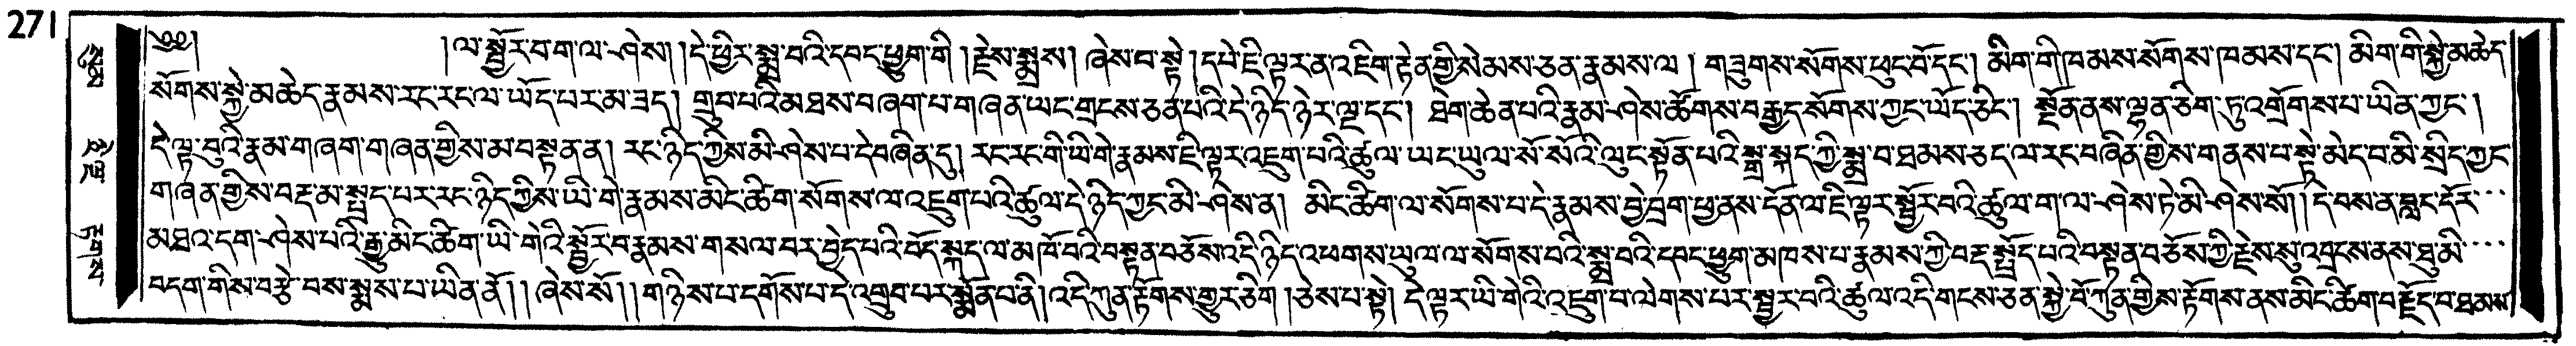༄༅། །ལ་སྦྱོར་བ་ག་ལ་ཤེས། །དེ་ཕྱིར་སྨྲ་བའི་དབང་ཕྱུག་གི །རྗེས་སྨྲས། ཞེས་བ་སྟེ། དཔེ་ཇི་ལྟར་ན་འཇིག་རྟེན་གྱི་སེམས་ཅན་རྣམས་ལ། གཟུགས་སོགས་ཕུང་བོ་དང་། མིག་གི་ཁམས་སོགས་ཁམས་དང་། མིག་གི་སྐྱེ་མཆེད་
སོགས་སྐྱེ་མཆེད་རྣམས་རང་རང་ལ་ཡོད་པར་མ་ཟད། གྲུབ་པའི་མཐས་བཞག་པ་གཞན་ཡང་གྲངས་ཅན་པའི་དེ་ཉིད་ཉེར་ལྔ་དང་། ཐེག་ཆེན་པའི་རྣམ་ཤེས་ཚོགས་བརྒྱད་སོགས་ཀྱང་ཡོད་ཅིང་། སྔོན་ནས་ལྷན་ཅིག་ཏུ་འགྲོགས་པ་ཡིན་ཀྱང་།
དེ་ལྟ་བུའི་རྣམ་གཞག་གཞན་གྱིས་མ་བསྟན་ན། རང་ཉིད་ཀྱིས་མི་ཤེས་པ་དེ་བཞིན་དུ། རང་རང་གི་ཡི་གེ་རྣམས་ཇི་ལྟར་འཇུག་པའི་ཚུལ་ཡང་ཡུལ་སོ་སོའི་ལུང་སྟོན་པའི་སྒྲ་སྐད་ཀྱི་སྨྲ་བ་ཐམས་ཅད་ལ་རང་བཞིན་གྱིས་གནས་པ་སྟེ་མེད་བ་མི་སྲིད་ཀྱང་
གཞན་གྱིས་བརྡ་མ་སྤྲད་པར་རང་ཉིད་ཀྱིས་ཡི་གེ་རྣམས་མིང་ཚིག་སོགས་ལ་འཇུག་པའི་ཚུལ་དེ་ཉིད་ཀྱང་མི་ཤེས་ན། མིང་ཚིག་ལ་སོགས་པ་དེ་རྣམས་བྱེ་བྲག་ཕྱ་ནས་དོན་ལ་ཇི་ལྟར་སྦྱོར་བའི་ཚུལ་ག་ལ་ཤེས་ཏེ་མི་ཤེས་སོ། །དེ་བས་ན་བླང་དོར་
མཐའ་དག་ཤེས་པའི་རྒྱུ་མིང་ཚིག་ཡི་གེའི་སྦྱོར་བ་རྣམས་གསལ་བར་བྱེད་པའི་བོད་སྐད་ལ་མཁོ་བའི་བསྟན་བཅོས་འདི་ཉིད་འཕགས་ཡུལ་ལ་སོགས་བའི་སྨྲ་བའི་དབང་ཕྱུག་མཁས་པ་རྣམས་ཀྱི་བརྡ་སྤྲོད་པའི་བསྟན་བཅོས་ཀྱི་རྗེས་སུ་འབྲངས་ནས་ཐུ་མི་
བདག་གིས་བརྩེ་བས་སྨས་པ་ཡིན་ནོ། །ཞེས་སོ། །གཉིས་པ་དགོས་པ་དེ་འགྲུབ་པར་སྨོན་པ་ནི། འདི་ཀུན་རྟོགས་གྱུར་ཅིག །ཅེས་པ་སྟེ། དེ་ལྟར་ཡི་གེའི་འཇུག་པ་ལ་ལེགས་པར་སྦྱར་བའི་ཚུལ་འདི་གངས་ཅན་སྐྱེ་བོ་ཀུན་གྱིས་རྟོགས་ནས་མིང་ཚིག་བརྗོད་བ་ཐམས་